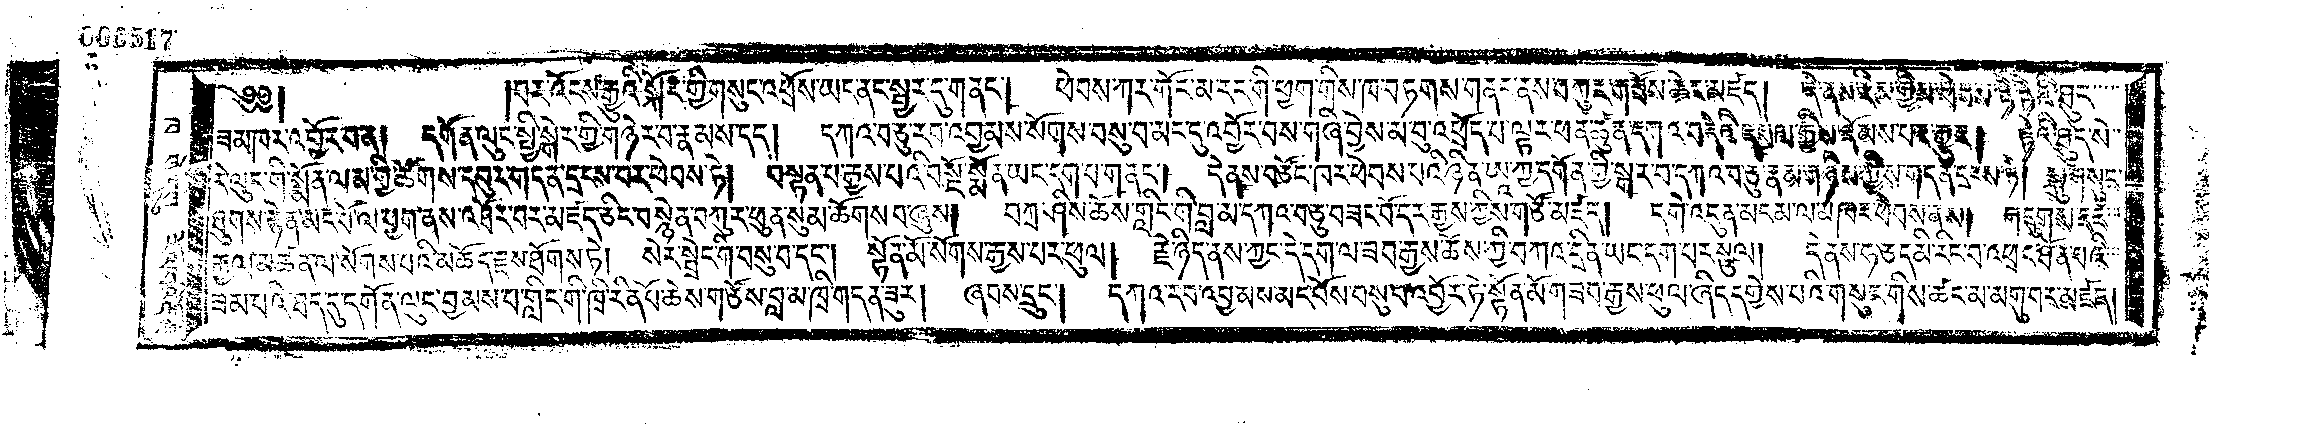༄༅། །བར་འོངས་རྒྱུའི་སྐོར་གྱི་གསུང་འཕྲོས་ཡང་ནང་སྦྱར་དུ་གནང་། ཕེབས་ཀར་གོང་མ་རང་གི་ཕྱག་གིས་ཁ་བཏགས་གནང་ནས་བཀུར་གཟོས་ཆེར་མཛད། དེ་ནས་རིམ་གྱིས་ཕེབས་ཏེ་ཏེའི་ཐུང་
ཟམ་ཁར་འབྱོར་བན། དགོན་ལུང་སྤྱི་སྒེར་གྱི་གཉེར་བ་རྣམས་དད། དཀའ་བཅུ་རབ་འབྱམས་སོགས་བསུ་བ་མང་དུ་འབྱོར་བས་གཞི་བྱེས་མ་བུ་འཕྲོད་པ་ལྟར་ཕན་ཚུན་དགའ་བདེའི་དཔལ་གྱིས་དོམས་པར་གྱུར། ཏེའི་ཐུད་སེ་
རེ་ལུང་གི་སྨོན་ལམ་གྱི་ཚོགས་དབུར་གདན་དྲངས་པར་ཕེབས་ཏེ། བསྟན་པ་རྒྱས་པའི་བསྔོ་སྨོན་ཡང་དག་པ་གནང་། དེ་ནས་བཙོང་ཁར་ཕེབས་པའི་ཉིན་ཨཱ་ཀྱ་དགོན་གྱི་སྒར་བ་དཀའ་བཅུ་རྣམ་གཉིས་ཀྱིས་གདན་དྲངས་ཏེ། སྐུ་གསུང་
ཐུགས་རྟེན་མང་པོ་ལ་ཕྱག་ནས་འཐོར་བར་མཛད་ཅིང་བསྙེན་བཀུར་ཕུན་སུམ་ཚོགས་པ་ཞུས། བཀྲ་ཤིས་ཆོས་གླིང་གི་བླ་མ་དཀའ་བཅུ་བཟང་པོ་དར་རྒྱས་ཀྱིས་གཙོ་མཛད། དགེ་འདུན་མང་མ་ལམ་ཁར་ཕེབས་ནས། གདུགས་དང་
རྒྱལ་མཚན་ལ་སོགས་པའི་མཆོད་རྫས་ཐོགས་ཏེ། སེར་སྦྲེང་གི་བསུ་བ་དང་། སྟོན་མོ་སོགས་རྒྱས་པར་ཕུལ། རྗེ་ཉིད་ནས་ཀྱང་དེ་དག་ལ་ཟབ་རྒྱས་ཆོས་ཀྱི་བཀའ་དྲིན་ཡང་དག་པར་སྩལ། དེ་ནས་ཧ་ཅང་མི་རིང་བ་འཕྲང་ཐོན་པའི་
ཟམ་པའི་ཐད་དུ་དགོན་ལུང་བྱམས་པ་གླིང་གི་ཁྲི་རིན་པོ་ཆེས་གཙོས་བླ་མ་ཁྲི་གདན་ཟུར། ཞབས་དྲུང་། དཀའ་རབ་འབྱམས་མང་པོས་བསུ་བ་འབྱོར་ཏེ་སྟོན་མོ་གཟབ་རྒྱས་ཕུལ་ཞིད་དགྱེས་པའི་གསུང་གིས་ཚང་མ་མགུ་བར་མཛད།